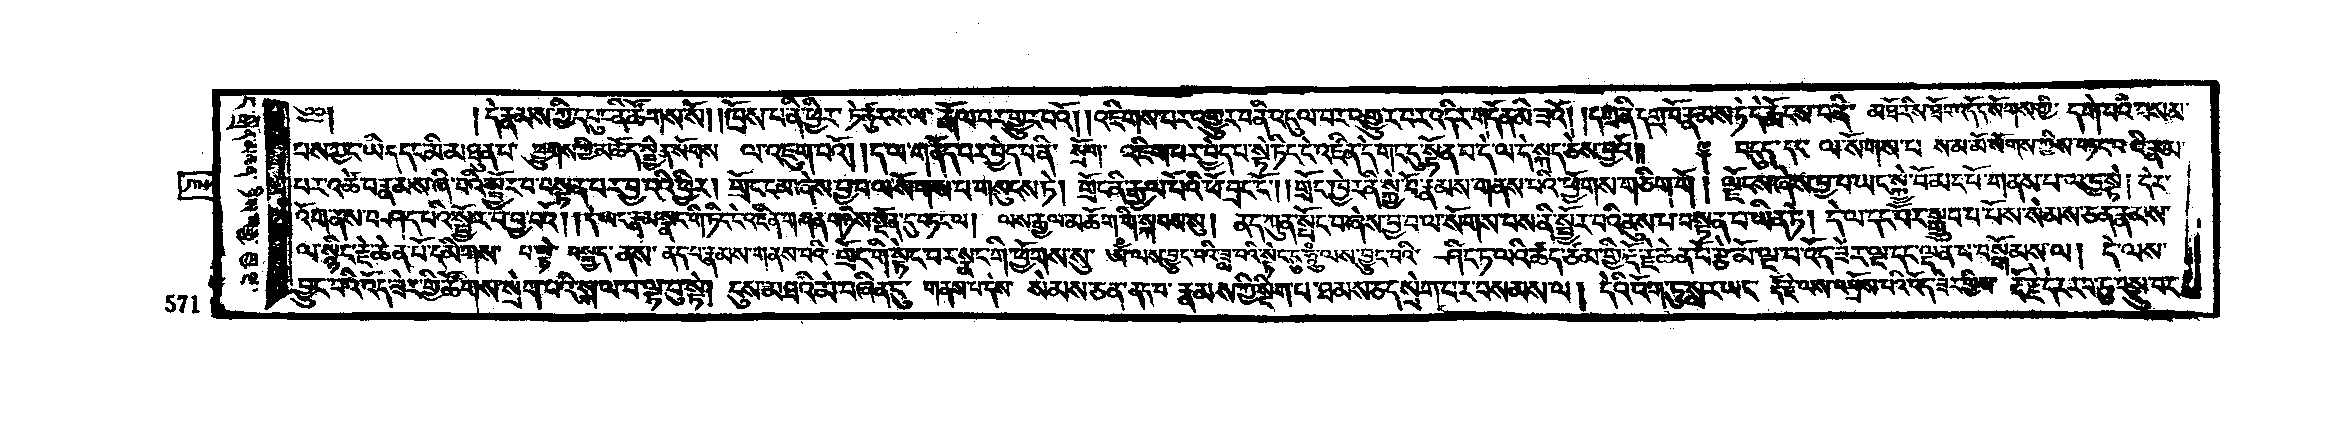༄༅། །དེ་རྣམས་ཀྱི་དཔུང་ནི་ཚོགས་སོ། །ཁྲོས་པ་ནི་ཕྱིར་ཏེ་ཚུར་རང་ལ་རྒོལ་བར་གྱུར་པའོ། །འཇིགས་པར་འགྱུར་བ་ནི་འདུལ་བར་འགྱུར་བར་འདིར་གདོན་མི་ཟའོ། །དགྲ་ནི་དགྲ་བོ་རྣམས་ཏེ་དེ་རྨོངས་པ་ནི་མཐོ་རིས་ཐོབ་འདོད་སོགས་ཀྱི་དགེ་བའི་བསམ་
པས་ཀྱང་ཡིད་དང་མི་མཐུན་པ་ཕྱུགས་ཀྱི་མཆོད་སྦྱིན་སོགས་ལ་འཇུག་པའོ། །དེ་ལ་གནོད་པར་བྱེད་པ་ནི་སྲོག་འཇིག་པར་བྱེད་པ་སྟེ་ཏིང་ངེ་འཛིན་དེ་གང་དུ་སྟོན་པ་དེ་ལ་དེ་སྐད་ཅེས་བྱའོ།། ༈ བདུད་དང་ལ་སོགས་པས་མ་མོ་སོགས་ཀྱིས་བཏང་བའི་རྣམ་
པར་འཚེ་བ་རྣམས་ཞི་བའི་སྦྱོར་བ་བསྟན་པར་བྱ་བའི་ཕྱིར། གྲོང་ངམ་ཞེས་བྱ་བ་ལ་སོགས་པ་གསུངས་ཏེ། གྲོང་ནི་རྒྱལ་པོའི་ཕོ་བྲང་ངོ། །གྲོང་ཁྱེར་ནི་སྐྱེ་བོ་རྣམས་གནས་པའི་ཕྱོགས་གཅིག་གོ །ལྗོངས་ཞེས་བྱ་བ་ཡང་སྐྱེ་བོ་མང་པོ་གནས་པ་ལ་བྱ་སྟེ། དེར་
འོག་ནས་བཤད་པའི་སྦྱོར་བ་བྱ་བའོ། ། དེ་ཡང་རྣམ་སྣང་གི་ཏིང་ངེ་འཛིན་གཞན་གཉིས་སྔོན་དུ་བཏང་ལ། ལས་རྒྱལ་མཆོག་གི་སྐབས་སུ།  ནད་ཀུན་སྤོང་བ་ཞེས་བྱ་བ་ལ་སོགས་པས་ནི་སྦྱོར་བའི་ནུས་པ་བསྟན་པ་ཡིན་ཏེ། དེ་ལ་དང་པོར་སྒྲུབ་པ་པོས་སེམས་ཅན་རྣམས་
ལ་སྙིང་རྗེ་ཆེན་པོ་དམིགས་པ་སྟེ་བསྐྱེད་ནས་ནད་པ་རྣམས་གནས་པའི་གྲོང་གི་སྟེང་བར་སྣང་གི་ཕྱོགས་སུ་ཨོཾ་ལས་བྱུང་བའི་ཟླ་བའི་སྟེང་དུ་ཧཱུཾ་ལས་བྱུང་བའི་ཤིང་ཏ་ལའི་ཚད་ཙམ་གྱི་རྡོ་རྗེ་ཆེན་པོ་རྩེ་མོ་ལྔ་པ་འོད་ཟེར་ལྔ་དང་ལྡན་པ་བསྒོམས་ལ། དེ་ལས་
བྱུང་བའི་འོད་ཟེར་གྱི་ཚོགས་སྲེག་པའི་སྐལ་པ་ལྟ་བུ་སྟེ། དུས་མཐའི་མེ་བཞིན་དུ་གནས་པ་དེས་སེམས་ཅན་ནད་པ་རྣམས་ཀྱི་སྡིག་པ་ཐམས་ཅད་སྲེག་པར་བསམས་ལ། དེའི་འོག་ཏུ་སླར་ཡང་རྡོ་རྗེ་ལས་འཕྲོས་པའི་འོད་ཟེར་གྱིས་རྡོ་རྗེ་དེར་རབ་ཏུ་བསྡུ་བར་